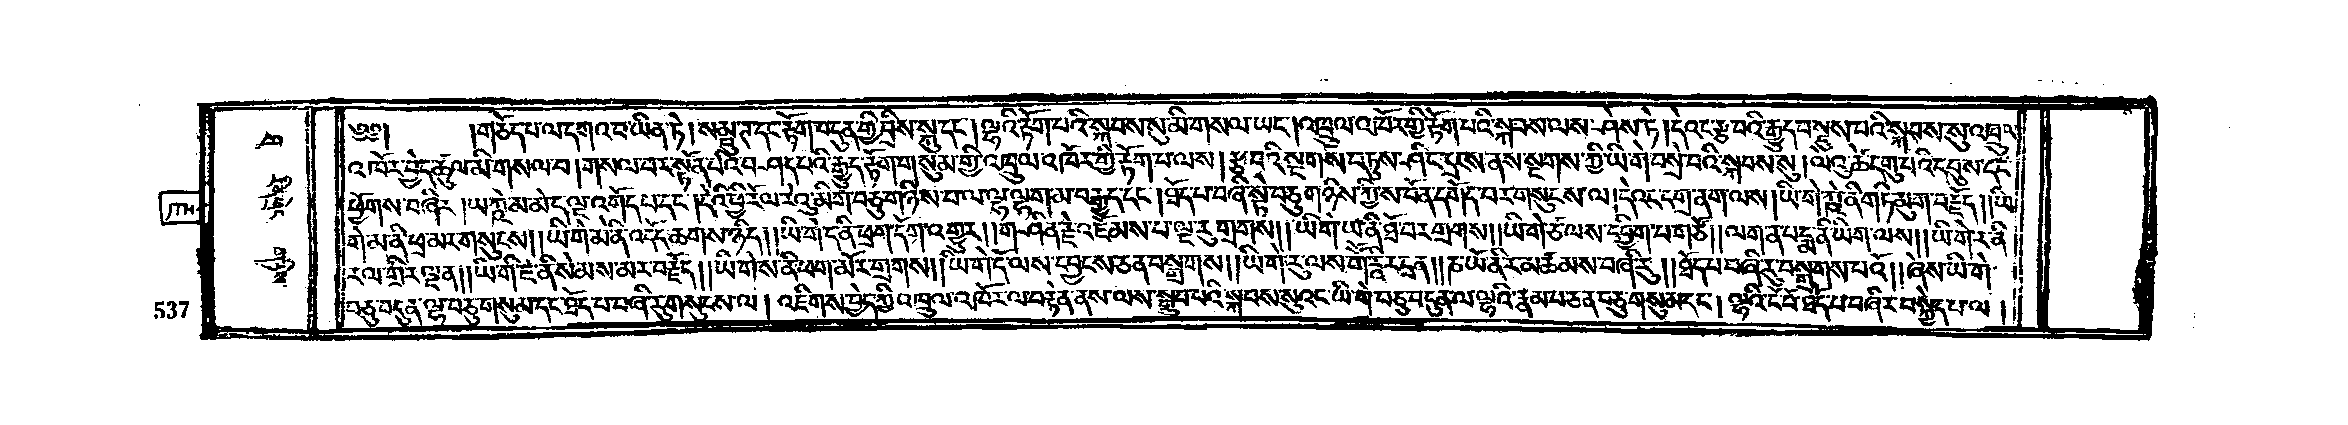༄༅། །གཅོད་པ་ལ་དགའ་བ་ཡིན་ཏེ། སམྦུ་ཊ་དང་རྟོག་བདུན་གྱི་བྲིས་སྐུ་དང་། ལྷའི་རྟོག་པའི་སྐབས་སུ་མི་གསལ་ཡང་། འཁྲུལ་འཁོར་གྱི་རྟོག་པའི་སྐབས་ལས་ཤེས་ཏེ། དེའང་རྩ་བའི་རྒྱུད་བསྡུས་པའི་སྐབས་སུ་འཁྲུལ་
འཁོར་བྱེད་ཚུལ་མི་གསལ་བ། གསལ་བར་སྟོན་པའི་བཤད་པའི་རྒྱུད་རྟོག་གསུམ་གྱི་འཁྲུལ་འཁོར་གྱི་རྟོག་པ་ལས། རྩ་བའི་སྔགས་བཏུས་ཤིང་དྲངས་ནས་སྔགས་ཀྱི་ཡི་གེ་བསྲེ་བའི་སྐབས་སུ། ལེའུ་ཚེ་དགུ་པའི་དབུས་དང་།
ཕྱོགས་བཞིར། ཡཀྵེ་མ་མེད་ལྔ་འགོད་པ་དང་། དེའི་ཕྱི་རོལ་རེའུ་མིག་བཅུ་གཉིས་པ་ལ་ལྷ་ལྷག་མ་བརྒྱད་དང་། ཐོད་པ་བཞི་སྟེ་བཅུ་གཉིས་ཀྱི་ས་བོན་དགོད་པར་གསུངས་ལ། དེའང་དགྲ་ནག་ལས། ཡི་གེ་ཀྵེ་ནི་གཏི་མུག་བརྗོད། །ཡི་
གེ་མ་ནི་ཕྲ་མར་གསུངས། །ཡི་གེ་མེ་ནི་འདོད་ཆགས་ཉིད། །ཡི་གེ་ད་ནི་ཕྲག་དོག་འགྱུར། །གཤིན་རྗེ་འཇོམས་པ་ལྔ་རུ་གྲགས། །ཡི་གེ་ཡ་ནི་ཐོ་བར་གྲགས། །ཡི་གེ་ཙ་ལས་དབྱིག་པ་གཙོ། །ལག་ན་པདམ་ནི་ཡིག་ལས། །ཡི་གེ་ར་ནི་
རལ་གྲིར་ལྡན། །ཡི་གི་ཛ་ནི་སེམས་མར་བརྗོད། །ཡི་གེ་ས་ནི་ཕག་མོར་གྲགས། །ཡི་གེ་དོ་ལས་དབྱངས་ཅན་བསྒྲགས། །ཡི་གེ་རུ་ལས་གཽ་རཱི་ར་དྲན། །ཎ་ཡོ་ནི་ར་མཚམས་བཞི་རུ། །ཐོད་པ་བཞི་རུ་བསྒྲགས་པའོ། །ཞེས་ཡི་གེ་
བཅུ་བདུན་ལྷ་བཅུ་གསུམ་དང་ཐོད་པ་བཞི་རུ་གསུངས་ལ། འཇིགས་བྱེད་ཀྱི་འཁྲུལ་འཁོར་ལ་བརྟེན་ནས་ལས་སྒྲུབ་པའི་སྐབས་སུའང་ཡི་གེ་བཅུ་བདུན་ལ་ལྷའི་རྣམ་པ་ཅན་བཅུ་གསུམ་དང་། ལྷའི་ངོ་བོ་ཐོད་པ་བཞིར་བསྐྱེད་པ་ལ།